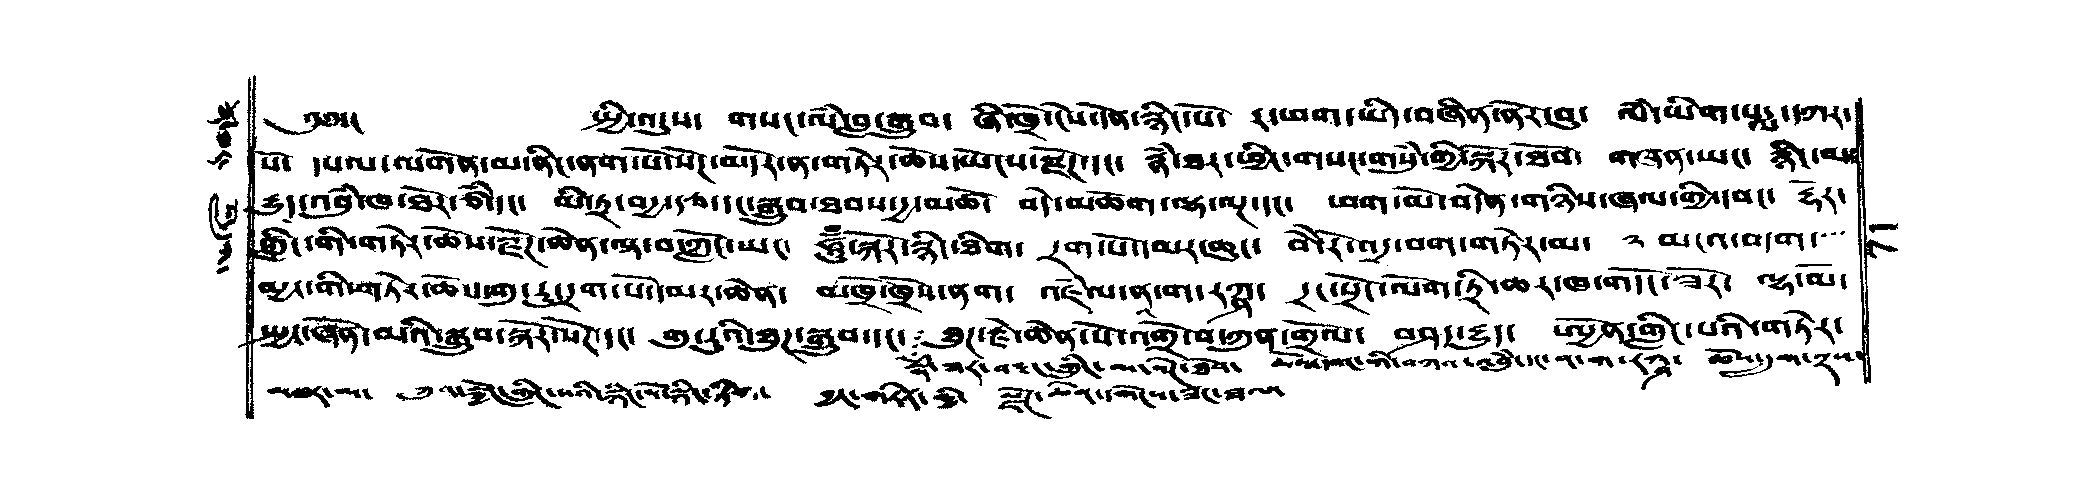སྤྱི་འདུས།གསང་ལམ་བླ་སྒྲུབ། ཞི་ཁྲོ་ངོས་དོན་སྙིང་པོ། རྟ་ཕག་ཡིད་བཞིན་ནོར་བུ། ལམ་ཡིག་པདྨ་དཀར་
པོ། དཔལ་མགོན་མ་ནིང་ནག་པོ་སོགས་མདོར་ན་གཏེར་ཆོས་ཡོངས་རྫོགས་དང་། རྣམ་ཐར་ཕྱི་ནང་གསང་གསུམ་གྱི་སྐོར་ཐོབ། གཞན་ཡང་། སྙིང་མ་
རྒྱུད་འབུམ་ཁ་ཐོར་ཙམ་དང་། མི་ཏྲ་བརྒྱ་རྩ་དང་སྒྲུབ་ཐབས་རྒྱ་མཚོ། བདེ་མཆོག་ལྷ་ལྔ་དང་། ཕག་མོ་བདེན་གཉིས་ཞལ་གྱི་དབང་། རྡོར་
གླིང་གི་གཏེར་ཆོས་རྫོགས་ཆེན་ལྟ་བ་ཀློང་ཡངས། ཧཱུྃ་སྐོར་སྙིང་ཐིག དྲག་པོ་དམར་ཆུང་། བཻ་རོའི་འདྲ་འབག་གཏེར་མ། མངའ་བདག་
མྱང་གི་གཏེར་ཆོས་གུ་རུ་དྲག་པོ་དམར་ཆེན། མཁའ་འགྲོ་ཁྲོས་ནག འཇམ་དཔལ་ནཱ་ག་རཀྴ། དྲང་སྲོང་ལོག་ཏྲི་ཆར་ཁ་གདོང་ཟོར། ལྷ་མོ་
སྤྱང་ཞོན་མའི་སྒྲུབ་སྐོར་སོགས་དང་། གུ་རུའི་ཐུགས་སྒྲུབ་དང་། རྣམ་ཐར་ཟངས་གླིང་མ་སོགས་ཐོབ། ཆོས་དབང་གི་བཀའ་འབུམ་དང་ན་ག་རཀྴ། ཆོས་དྲུག་སྲས་མཁར་མ། ཀུན་སྐྱོང་གླིང་པའི་སྙིང་པོ་སྙིང་ཏིག བྱང་གཏེར་གྱི་རྫོགས་ཆེན་དགོངས་པ་ཟང་ཐལ། ཐུགས་རྗེ་ཆེན་པོ་འགྲོ་བ་ཀུན་གྲོལ། བཤད་རྒྱུད། ཨོ་རྒྱན་གླིང་པའི་གཏེར་